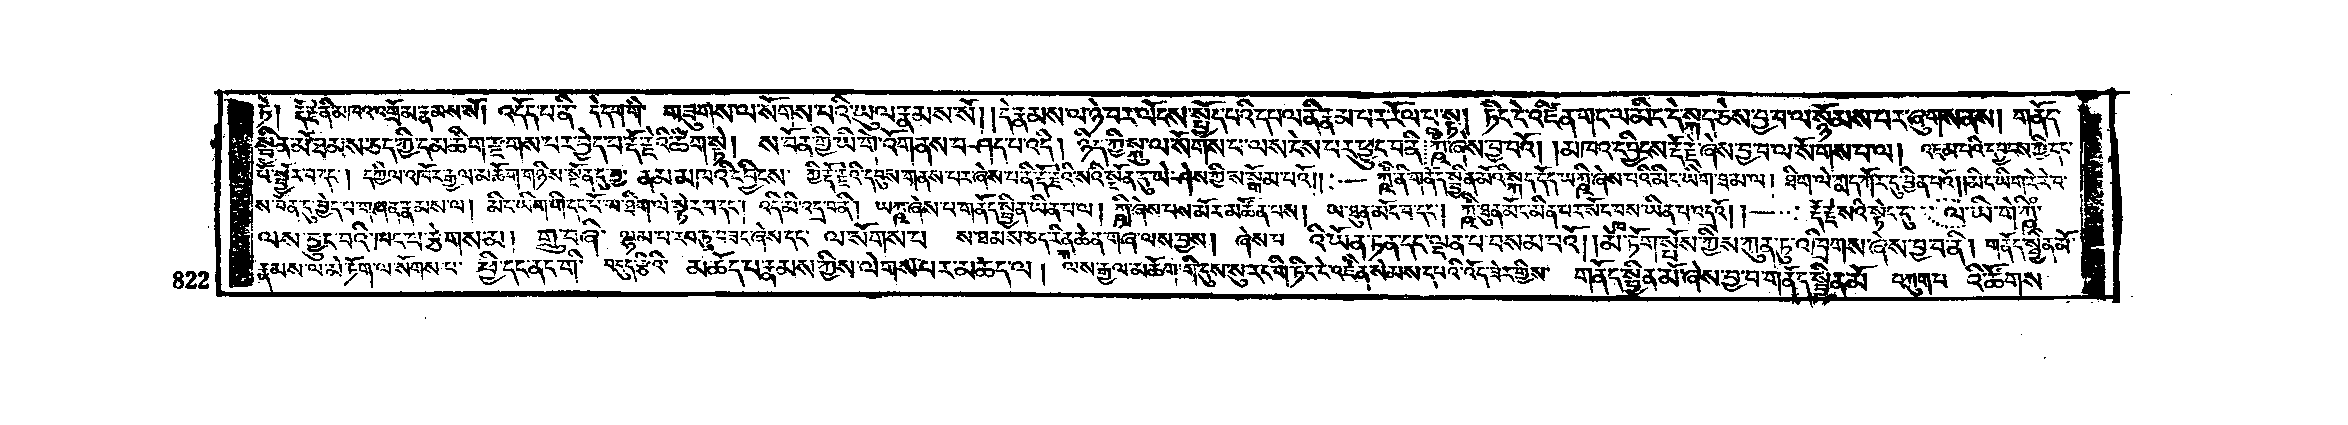ཏེ། རྡོ་རྗེ་ནི་མཁའ་འགྲོ་མ་རྣམས་སོ།  འདོད་པ་ནི་དེ་དག་གི་གཟུགས་ལ་སོགས་པའི་ཡུལ་རྣམས་སོ། །དེ་རྣམས་ལ་ཉེ་བར་ལོངས་སྤྱོད་པའི་དཔལ་ནི་རྣམ་པར་རོལ་པ་སྟེ། ཏིང་ངེ་འཛིན་གང་ལ་མིང་དེ་སྐད་ཅེས་བྱ་བ་ལ་སྙོམས་པར་ཞུགས་ནས། གནོད་
སྦྱིན་མོ་ཐམས་ཅད་ཀྱི་དམ་ཚིག་རྫོགས་པར་བྱེད་པ་རྡོ་རྗེའི་ཚིག་སྟེ། ས་བོན་གྱི་ཡི་གེ་འོག་ནས་བཤད་པ་འདི། ཉིད་ཀྱི་སྐུ་ལ་སོགས་པ་ལས་ངེས་པར་ཕྱུང་བ་ནི་ཀྴིཾ་ཞེས་བྱ་བའོ། །མཁའ་དབྱིངས་རྡོ་རྗེ་ཞེས་བྱ་བ་ལ་སོགས་པ་ལ། འཇམ་པའི་དབྱངས་ཀྱི་དང་
པོ་སྦྱོར་བ་དང་། དཀྱིལ་འཁོར་རྒྱལ་མཆོག་གཉིས་སྔོན་དུ་བྱ་ནམ་མཁའི་དབྱིངས་ཀྱི་རྡོ་རྗེའི་དབུས་གནས་པར་ཞེས་པ་ནི་རྡོ་རྗེའི་སའི་སྔོན་དུ་ཡེས་ཤེས་ཀྱི་ས་སྒོམ་པའོ།།H.་ཀྵིཾ་ནི་གནོད་སྦྱིན་མོའི་སྐད་ཅོད་ཡཀྵི་ཞེས་པའི་མིང་ཡིག་ཐ་མ་ལ། ཐིག་ལེ་ཀླད་ཀོར་དུ་བྱིན་པའོ། །མིང་ཡིག་རེ་རེ་བ་
ས་བོན་དུ་བྱེད་པ་གཞན་རྣམས་ལ། མིང་ཡིག་གི་དང་པོ་ལ་ཐིག་ལེ་སྟེར་བ་དང་། འདི་མི་འདྲ་བ་ནི། ཡཀྴ་ཞེས་པ་གནོད་སྦྱིན་ཡིན་པ་ལ། ཀྵི་ཞེས་པས་མོར་མཚོན་པས། ཡ་ཐུན་མོང་བ་དང་། ཀྵིཾ་ཐུན་མོང་མིན་པར་སོང་བས་ཡིན་པ་འདྲའོ།།.H རྡོ་རྗེ་སའི་སྟེང་དུ་ལ་ཡི་གེ་ཀྵིཾ་
ལས་བྱུང་བའི་ཁང་པ་རྩེགས་མ། གྲུབ་བཞི་ལྷམ་པ་རབ་ཏུ་བཟང་ཞེས་དང་ལ་སོགས་པ་ས་ཐམས་ཅད་རིན་ཆེན་གཞི་ལས་བྱས། ཞེས་པའི་ཡོན་ཏན་དང་ལྡན་པ་བསམ་པའོ། །མེ་ཏོག་སྤོས་ཀྱིས་ཀུན་ཏུ་འཁྲིགས་ཞེས་བྱ་བ་ནི། གནོད་སྦྱིན་མོ་
རྣམས་ལ་མེ་ཏོག་ལ་སོགས་པ་ཕྱི་དང་ནང་གི་བདུད་རྩིའི་མཆོད་པ་རྣམས་ཀྱིས་ལེགས་པར་མཆོད་ལ། ལས་རྒྱལ་མཆོག་གི་དུས་སུ་རང་གི་ཏིང་ངེ་འཛིན་སེམས་དཔའི་འོད་ཟེར་གྱིས་གནོད་སྦྱིན་མོ་ཞེས་བྱ་བ་གནོད་སྦྱིན་མོ་བཀུག་པའི་ཚོགས་